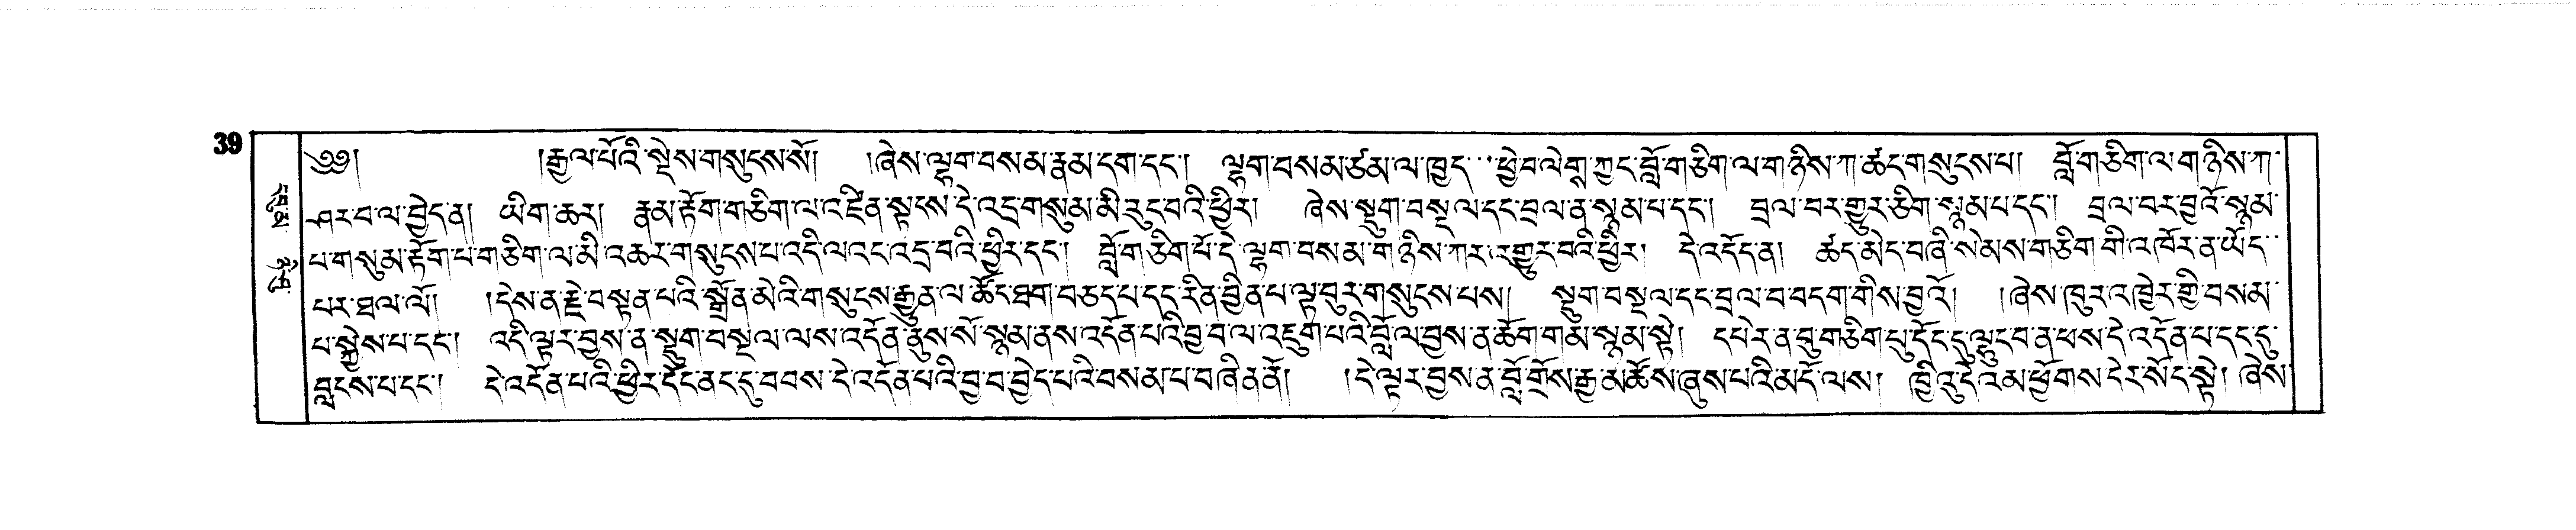༄༅། །རྒྱལ་པོའི་སྡེས་གསུངས་སོ། །ཞེས་ལྷག་བསམ་རྣམ་དག་དང་། ལྷག་བསམ་ཙམ་ལ་ཁྱད་ཕྱེ་བ་ལེགས་ཀྱང་བློ་གཅིག་ལ་གཉིས་ཀ་ཚང་གསུངས་པ། བློ་གཅིག་ལ་གཉིས་ཀ་
ཤར་བ་ལ་བྱེད་ན། ཡིག་ཆར། རྣམ་རྟོག་གཅིག་ལ་འཛིན་སྟངས་དེ་འདྲ་གསུམ་མི་རུང་བའི་ཕྱིར། ཞེས་སྡུག་བསྔལ་དང་བྲལ་ན་སྙམ་པ་དང་། བྲལ་བར་གྱུར་ཅིག་སྙམ་པ་དང་། བྲལ་བར་བྱའོ་སྙམ་
པ་གསུམ་རྟོག་པ་གཅིག་ལ་མི་འཆར་གསུངས་པའི་འདི་ལའང་འདྲ་བའི་ཕྱིར་དང་། བློ་གཅིག་པོ་དེ་ལྷག་བསམ་གཉིས་ཀར་འགྱུར་བའི་ཕྱིར། དེ་འདོད་ན། ཚད་མེད་བཞི་སེམས་གཅིག་གི་འཁོར་ན་ཡོད་
པར་ཐལ་ལོ། །དེས་ན་རྗེ་བསྟན་པའི་སྒྲོན་མེའི་གསུངས་རྒྱུན་ལ་ཚོང་ཐག་བཅད་པ་དང་རིན་བྱིན་པ་ལྟ་བུར་གསུངས་པས། སྡུག་བསྔལ་དང་བྲལ་བ་བདག་གིས་བྱའོ། །ཞེས་ཁུར་འཁྱེར་གྱི་བསམ་
པ་སྐྱེས་པ་དང་། འདི་ལྟར་བྱས་ན་སྡུག་བསྔལ་ལས་འདོན་ནུས་སོ་སྙམ་ནས་འདོན་པའི་བྱ་བ་ལ་འཇུག་པའི་བློ་ལ་བྱས་ན་ཆོག་གམ་སྙམ་སྟེ། དཔེར་ན་བུ་གཅིག་པུ་དོང་དུ་ལྷུང་བ་ན་ཕས་དེ་འདོན་པ་དང་དུ་
བླངས་པ་དང་། དེ་འདོན་པའི་ཕྱིར་དོང་ནང་དུ་བབས་དེ་འདོན་པའི་བྱ་བ་བྱེད་པའི་བསམ་པ་བཞིན་ནོ། །དེ་ལྟར་བྱས་ན་བློ་གྲོས་རྒྱ་མཚོས་ཞུས་པའི་མདོ་ལས། ཁྱིའུ་དེའམ་ཕྱོགས་དེར་སོང་སྟེ། ཞེས་